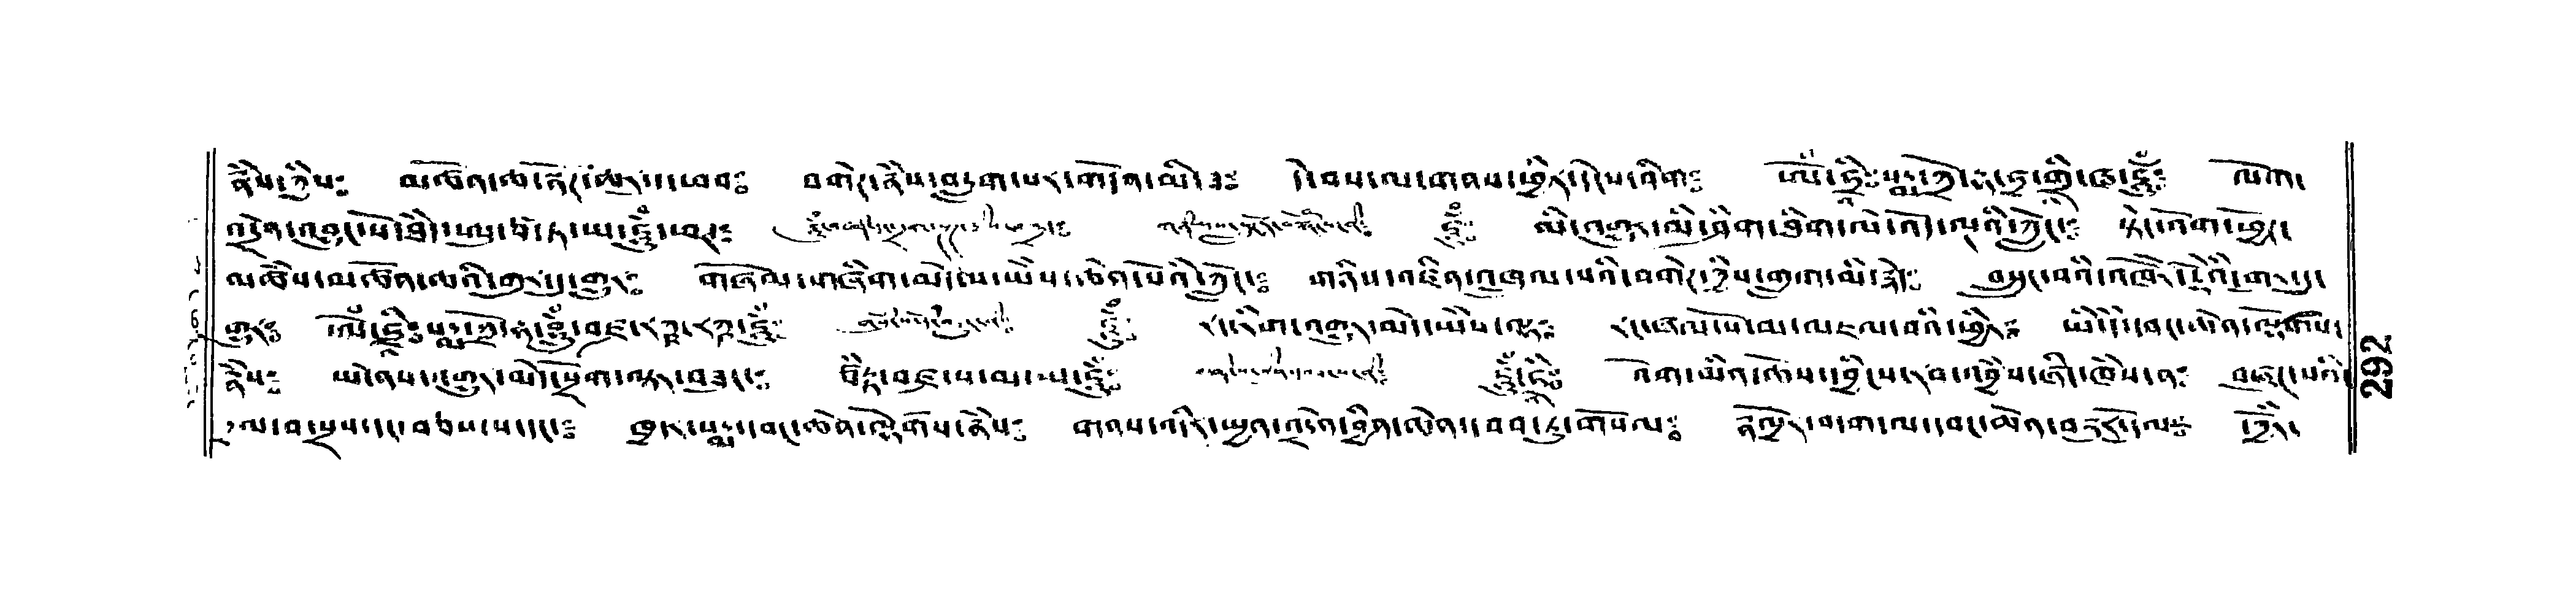རྣམས་ཀྱིས༔ མཚོན་ཆ་སྣ་ཚོགས་ཆར་དུ་ཕབ༔ བགེགས་རྣམས་བརླག་པར་གདོན་མི་ཟ༔ དེ་བས་མ་གནས་ཕྱིར་དེངས་ཤིག༔ ཨོཾ་ཧྲཱིཿཔདྨ་ཀྲོ་དྷ་ཧྱ་གྲཱི་ཝ་ཧཱུྃ༔ ལོག་
འདྲེན་འབྱུང་པོ་ཐམས་ཅད་ཨུ་ཙ་ཏ་ཡ་ཧཱུྃ་ཕཊ༔ ཧཱུྃ་བཞི་དང་དྲག་སྔགས་ཀྱིས་བསྐྲད༔ གཉིས་པ་སྲུང་འཁོར་བསྒོམ་པ་ནི༔ ཧཱུྃ༔ མི་འགྱུར་མི་ཤིག་ཐིག་ལེ་འོད་ལྔའི་ཀློང༔ སྟེང་འོག་ཕྱོགས་
མཚམས་མཚོན་ཆའི་གུར་དུ་གྱུར༔ གཞོམ་གཞིག་མེད་པ་ཡེ་ཤེས་ཆེན་པོའི་ཀློང༔ གཉིས་འཛིན་འཁྲུལ་པའི་བགེགས་ཀྱིས་གླགས་མི་རྙེད༔ སྲུང་བའི་འཁོར་ལོ་རྡོ་རྗེའི་གུར་དུ་
གྱུར༔ཨོཾ་ཧྲཱིཿཔདྨ་ཀྲོ་དྷ་བྷྲཱུྃ་བཛྲ་རཀྵ་རཀྵ་ཧཱུྃཿ གསུམ་པ་དམ་བཟུང་ནི༔ ཧཱུྃ༔ རང་རིག་འགྱུར་མེད་ཡེ་ཤེས་ལྷ༔ རང་ཞལ་སོ་མ་མཇལ་བའི་ཕྱིར༔ ཡི་དམ་དབང་ཆེན་ལྷ་ཚོགས་
རྣམས༔ ཡེ་ནས་འགྱུར་མེད་སྲོག་ལྟར་བཟུང༔ ཙིཏྟ་བཛྲ་ས་མ་ཡ་ཧཱུྃ༔ བཞི་པ་བྱིན་དབབ་པ་ནི༔ ཧཱུྃ་ཧྲཱིཿ འོག་མིན་ཆོས་དབྱིངས་རབ་འབྱམས་ཞིང་ཁམས་ན༔ བཞུགས་པའི་
རྒྱལ་བ་སྲས་དང་བཅས་པ་དང༔ ཁྱད་པར་པདྨ་དབང་ཆེན་ལྷ་ཚོགས་རྣམས༔ གནས་འདིར་སྤྱན་འདྲེན་བྱིན་ཆེན་དབབ་ཏུ་གསོལ༔ རྣལ་འབྱོར་བདག་ལ་དབང་ཆེན་བསྐུར་དུ་གསོལ༔ དཀྱིལ་འཁོར་